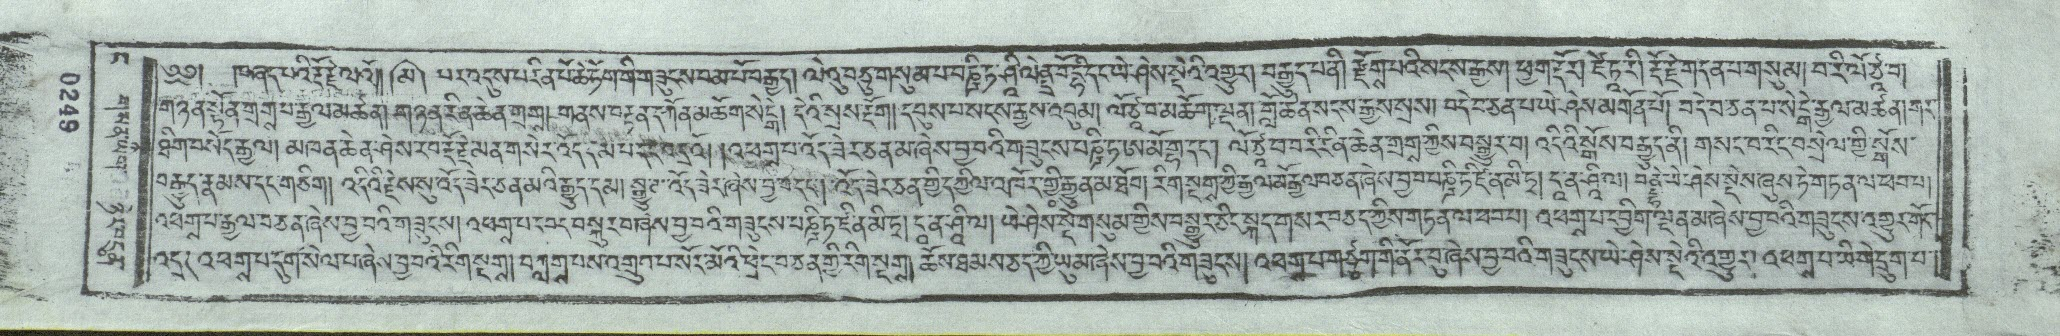༄༅། །བཞད་པའི་རྡོ་རྗེ་ལའོ།།{མ}་པར་འདུས་པ་རིན་པོ་ཆེ་ཏོག་གི་གཟུངས་བམ་པོ་བརྒྱད། ལེའུ་བཅུ་གསུམ་པ་པཎྜི་ཏ་ཤཱི་ལེནྡྲ་བོ་དྷི་དང་ཡེ་ཤེས་སྡེའི་འགྱུར། བརྒྱུད་པ་ནི། རྫོགས་པའི་སངས་རྒྱས། ཕྱག་རྡོར། ཛེ་ཏཱ་རི། རྡོ་རྗེ་གདན་པ་གསུམ། པ་རི་ལོ་ཙཱ་བ།
གཉན་སྟོན་གྲགས་པ་རྒྱལ་མཚན། གཉན་རིན་ཆེན་གྲགས། གནས་བརྟན་དཀོན་མཆོག་སེངྒེ། དེའི་སྲས་རྡོག། དབུས་པ་སངས་རྒྱས་འབུམ། ལོ་ཙཱ་བ་མཆོག་ལྡན། གློ་ཆེན་སངས་རྒྱས་སྲས། བདེ་བ་ཅན་པ་ཡེ་ཤེས་མགོན་པོ། བདེ་བ་ཅན་པ་སེངྒེ་རྒྱལ་མཚན། གར་
ཐིག་བསོད་རྒྱལ། མཁན་ཆེན་ཤེས་རབ་རྡོ་རྗེ་མན་གསེར་འོད་དམ་པ་དང་འདྲའོ། །འཕགས་པ་འོད་ཟེར་ཅན་མ་ཞེས་བྱ་བའི་གཟུངས་པཎྜི་ཏ་ཨ་མོ་གྷ་དང་། ལོ་ཙཱ་བ་བ་རི་རིན་ཆེན་གྲགས་ཀྱིས་བསྒྱུར་བ། འདིའི་སྒོས་བརྒྱུད་ནི། གསང་བ་རིང་བསྲེལ་གྱི་སྒོས་
བརྒྱུད་རྣམས་དང་གཅིག། འདིའི་རྗེས་སུ་འོད་ཟེར་ཅན་མའི་རྒྱུད་དམ། སྒྱུ་མ་འོད་ཟེར་ཞེས་བྱ་བ་དང་། འོད་ཟེར་ཅན་གྱི་དཀྱིལ་འཁོར་གྱི་རྒྱུན་མ་ཐོག་རིག་སྔགས་ཀྱི་རྒྱལ་མོ་རྒྱལ་བ་ཅན་ཞེས་བྱ་བ་པཎྜི་ཏ་ཛིན་མི་ཏྲ། དཱ་ན་ཤཱི་ལ། བནྡྷེ་ཡེ་ཤེས་སྡེས་ཞུས་ཏེ་གཏན་ལ་ཕབ་པ།
འཕགས་པ་རྒྱལ་བཅན་ཞེས་བྱ་བའི་གཟུངས། འཕགས་པ་དབང་བསྐུར་བ་ཞེས་བྱ་བའི་གཟུངས་པཎྜི་ཏ་ཛིན་མི་ཏྲ། དཱ་ན་ཤཱི་ལ། ཡེ་ཤེས་སྡེ་གསུམ་གྱིས་བསྒྱུར་ཅིང་སྐད་གསར་བཅད་ཀྱིས་གཏན་ལ་ཕབ་པ། འཕགས་པར་དབྱིག་ལྡན་མ་ཞེས་བྱ་བའི་གཟུངས་འགྱུར་གོང་
འདྲ༑ འཕགས་པ་དུག་སེལ་པ་ཞེས་བྱ་བའི་རིག་སྔགས། བཀླགས་པས་འགྲུབ་པ་སོར་མོའི་ཕྲེང་བ་ཅན་གྱི་རིག་སྔགས། ཆོས་ཐམས་ཅད་ཀྱི་ཡུམ་ཞེས་བྱ་བའི་གཟུངས། འཕགས་པ་གཙུག་གི་ནོར་བུ་ཞེས་བྱ་བའི་གཟུངས་ཡེ་ཤེས་སྡེའི་འགྱུར། འཕགས་པ་ཡི་གེ་དྲུག་པ་